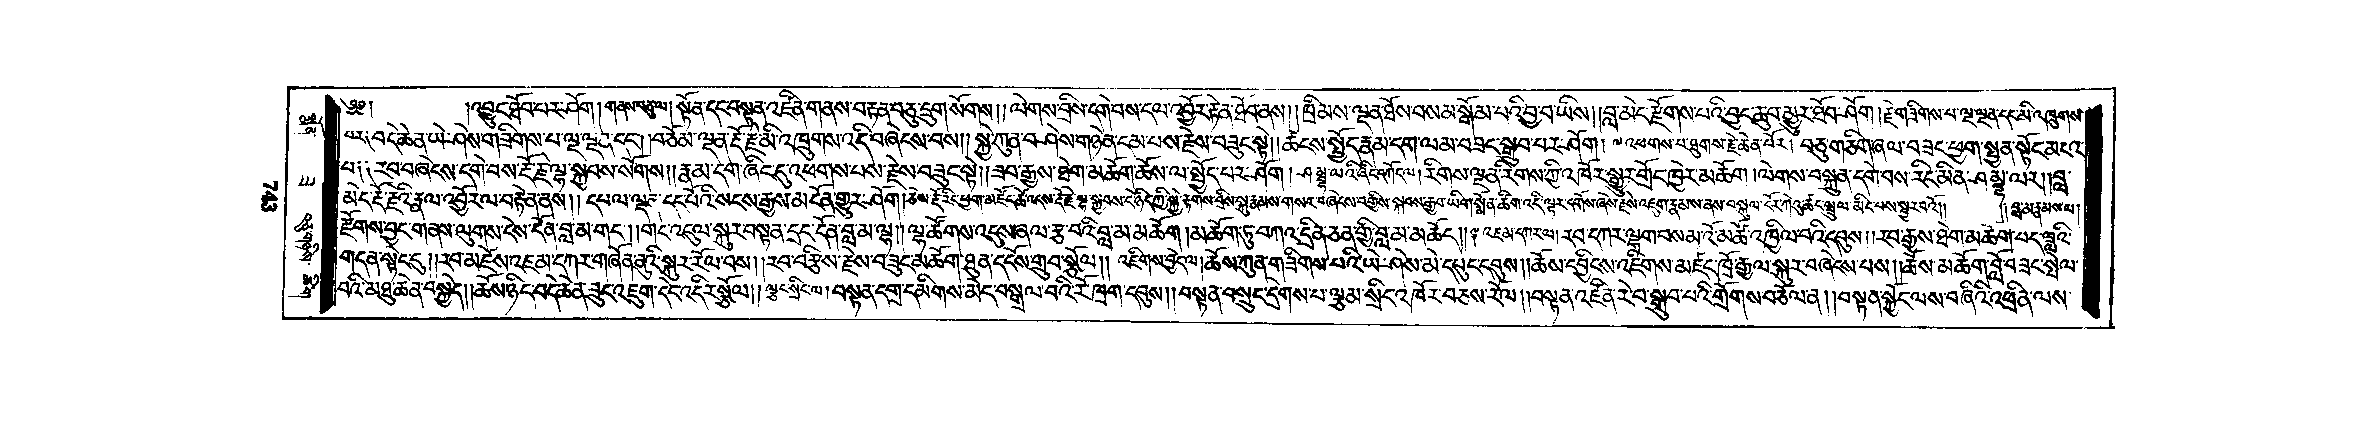༄༅། །འབྱུང་ཐོབ་པར་ཤོག །གནས་བཅུ་ལ། སྟོན་དང་བསྟན་འཛིན་གནས་བརྟན་བཅུ་དྲུག་སོགས། །ལེགས་བྲིས་དགེ་བས་དལ་འབྱོར་རྟེན་ཐོབ་ནས། །ཁྲིམས་ལྡན་ཐོས་བསམ་སྒོམ་པའི་བྱ་བ་ཡིས། །བླ་མེད་རྫོགས་པའི་བྱང་ཆུབ་མྱུར་ཐོབ་ཤོག །རྗེ་གཟིགས་པ་ལྔ་ལྡན་དང་མི་འཁྲུགས་
པར། བདེ་ཆེན་ཡེ་ཤེས་གཟིགས་པ་ལྔ་ལྡན་དང་། །བཅོམ་ལྡན་རྡོ་རྗེ་མི་འཁྲུགས་འདི་བཞེངས་བས། །སྐྱེ་ཀུན་བཤེས་གཉེན་དམ་པས་རྗེས་བཟུང་སྟེ། །ཚངས་སྤྱོད་རྣམ་དག་ལམ་བཟང་སྒྲུབ་པར་ཤོག །འཕགས་པ་ཐུགས་རྗེ་ཆེན་པོར། བཅུ་གཅིག་ཞལ་བཟང་ཕྱག་སྤྱན་སྟོང་མངའ་
པ། །རབ་བཞེངས་དགེ་བས་རྡོ་རྗེ་ལྷ་སྐྱབས་སོགས། །རྣམ་དག་ཞིང་དུ་འཕགས་པས་རྗེས་བཟུང་སྟེ། །ཟབ་རྒྱས་ཐེག་མཆོག་ཆོས་ལ་སྤྱོད་པར་ཤོག །ཤམྦྷ་ལའི་ཞིང་བཀོད་ལ། རིགས་ལྡན་རིགས་ཀྱི་འཁོར་སྒྱུར་གྲོང་ཁྱེར་མཆོག །ལེགས་བསྐྲུན་དགེ་བས་རིང་མིན་ཤམྦྷ་ལར། །བླ་
མེད་རྡོ་རྗེའི་རྣལ་འབྱོར་ལ་བརྟེན་ནས། །དཔལ་ལྡན་དང་པོའི་སངས་རྒྱས་མངོན་གྱུར་ཤོག །ཅེས་རྡོ་རིང་ཕྱག་མཛོད་ཚེ་འདས་རྡོ་རྗེ་ལྷ་སྐྱབས་དེ་ཉིད་ཀྱི་སྐྱེ་རྟགས་བྲིས་སྐུ་རྣམས་གསར་བཞེངས་བགྱིས་སྐབས་རྒྱབ་ཡིག་སྨོན་ཚིག་འདི་ལྟར་དགོས་ཞེས་རྗེས་འཇུག་རྣམས་ནས་བསྐུལ་ངོར་ཀེའུ་ཚང་སྤྲུལ་མིང་པས་སྦྱར་བའོ།། །།བླ་མ་རྣམས་པ།
རྫོགས་བྱང་གནས་ལུགས་ངེས་དོན་བླ་མ་གང་། །གང་འདུལ་སྐུར་བསྟན་དྲང་དོན་བླ་མ་ལྷ། །ལྷ་ཚོགས་འདུས་ཞལ་རྩ་བའི་བླ་མ་མཆོག །མཆོག་ཏུ་བཀའ་དྲིན་ཅན་གྱི་བླ་མ་མཆོད། །༈འཇམ་དཀར་ལ། རབ་དཀར་ལྷག་བསམ་འོ་མཚོ་འཁྱིལ་བའི་དབུས། །རབ་རྒྱས་ཐེག་མཆོག་པད་ཟླའི་
གདན་སྟེང་དུ། །རབ་མཛེས་འཇམ་དཀར་གཞོན་ནུའི་སྐུར་རོལ་བས། །རབ་བརྩིས་རྗེས་བཟུང་མཆོག་ཐུན་དངོས་གྲུབ་སྩོལ། །འཇིགས་བྱེད་ལ། ཆོས་ཀུན་གཟིགས་པའི་ཡེ་ཤེས་མེ་དཔུང་དབུས། །ཆོས་དབྱིངས་འཇིགས་མཛད་ཁྲོ་རྒྱལ་སྐུར་བཞེངས་པས། །ཆོས་མཆོག་བློ་བཟང་སྤེལ་
བའི་མཐུ་ཆེན་བསྐྱེད། །ཆོས་ཉིད་བདེ་ཆེན་ཟུང་འཇུག་དེང་འདིར་སྩོལ། །ལྕང་སྲིང་ལ། བསྟན་དགྲ་དམིགས་མེད་བསྒྲལ་བའི་རོ་ཁྲག་དབུས། །བསྟན་བསྲུང་དྲེགས་པ་ལྕམ་སྲིང་འཁོར་བཅས་རོལ། །བསྟན་འཛིན་རེ་བ་སྒྲུབ་པའི་གྲོགས་བཅོལ་ན། །བསྟན་སྐྱོང་ལས་བཞིའི་འཕྲིན་ལས་